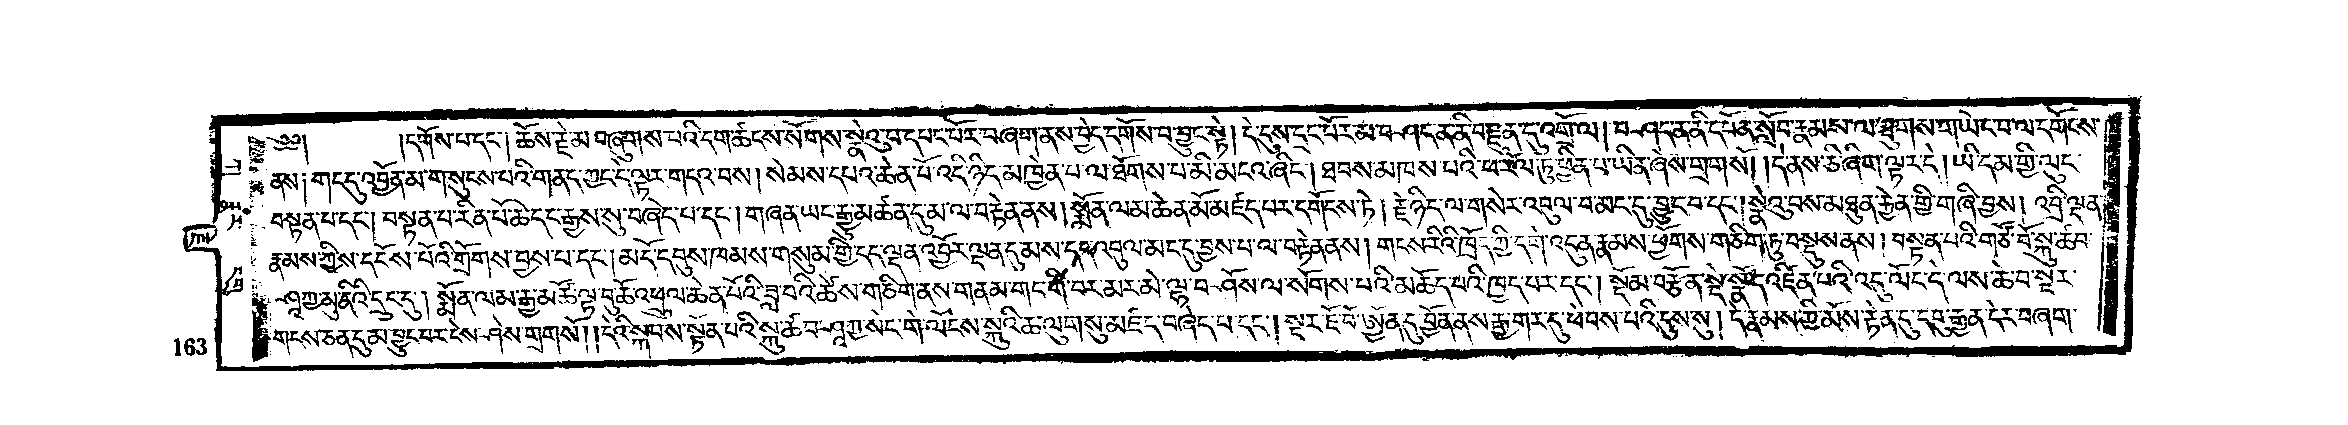༄༅། །དགོས་པ་དང་། ཆོས་རྗེ་མ་བཞུགས་པའི་དག་ཚངས་སོགས་སྣེའུ་པ་དཔང་པོར་བཞག་ནས་བྱེད་དགོས་པ་བྱུང་སྟེ། དེ་དུས་དྲང་པོར་མ་བཤད་ན་ནི་བརྫུན་དུ་འགྲོ་ལ། བཤད་ན་ནི་དཔོན་སློབ་རྣམས་ལ་ཐུགས་གཡེང་བ་ལ་དགོངས་
ནས༑ གང་དུ་འབྱོན་མ་གསུངས་པའི་གནད་ཀྱང་དེ་ལྟར་གདའ་བས། སེམས་དཔའ་ཆེན་པོ་འདི་ཉིད་མཁྱེན་པ་ལ་ཐོགས་པ་མི་མངའ་ཞིང་། ཐབས་མཁས་པའི་ཕ་རོལ་ཏུ་ཕྱིན་པ་ཡིན་ཞེས་གྲགས་སོ། །དེ་ནས་ཅི་ཞིག་ལྟར་དེ། ཡི་དམ་གྱི་ལུང་
བསྟན་པ་དང་། བསྟན་པ་རིན་པོ་ཆེ་དང་རྒྱས་སུ་བཞེད་པ་དང་། གཞན་ཡང་རྒྱུ་མཚན་དུ་མ་ལ་བརྟེན་ནས། སྨོན་ལམ་ཆེན་མོ་མཛད་པར་དགོངས་ཏེ། རྗེ་ཉིད་ལ་གསེར་འབུལ་བ་མང་དུ་བྱུང་བ་དང་། སྣེའུ་བས་མཐུན་རྐྱེན་གྱི་གཞི་བྱས། འབྲི་ལྡན་
རྣམས་ཀྱིས་དངོས་པོའི་གྲོགས་བྱས་པ་དང་། མདོ་དབུས་ཁམས་གསུམ་གྱི་དད་ལྡན་འབྱོར་ལྡན་དུ་མས་དད་འབུལ་མང་དུ་བྱས་པ་ལ་བརྟེན་ནས། གངས་རིའི་ཁྲོད་ཀྱི་དགེ་འདུན་རྣམས་ཕྱོགས་གཅིག་ཏུ་བསྡུས་ནས། བསྟན་པའི་གཙོ་བོ་སྐུ་ཚབ་
ཤཱཀྱ་མུ་ནིའི་དྲུང་དུ། སྨོན་ལམ་རྒྱ་མཚོ་ལྟ་བུ་ཆོ་འཕྲུལ་ཆེན་པོའི་ཟླ་བའི་ཚེས་གཅིག་ནས་གནམ་གང་གི་བར་མར་མེ་ལྷ་བཤོས་ལ་སོགས་པའི་མཆོད་པའི་ཁྱད་པར་དང་། སྡོམ་བརྩོན་སྡེ་སྣོད་འཛིན་པའི་འདུ་ལོང་དེ་ལས་ཆེ་བ་སྔར་
གངས་ཅན་དུ་མ་བྱུང་བར་ངེས་ཤེས་གྲགས་སོ། །དེའི་སྐབས་སྟོན་པའི་སྐུ་ཚབ་ཤཱཀྱ་སེང་གེ་ལོངས་སྐུའི་ཆ་ལུགས་སུ་མཛད་བཞེད་པ་དང་། སྔར་ཇོ་བོ་ཨཡོན་དུ་བྱོན་ནས་རྒྱ་གར་དུ་ཕེབས་པའི་དུས་སུ། དེ་རྣམས་ཀྱི་མོས་རྟེན་དུ་དབུ་རྒྱན་དེར་བཞག་